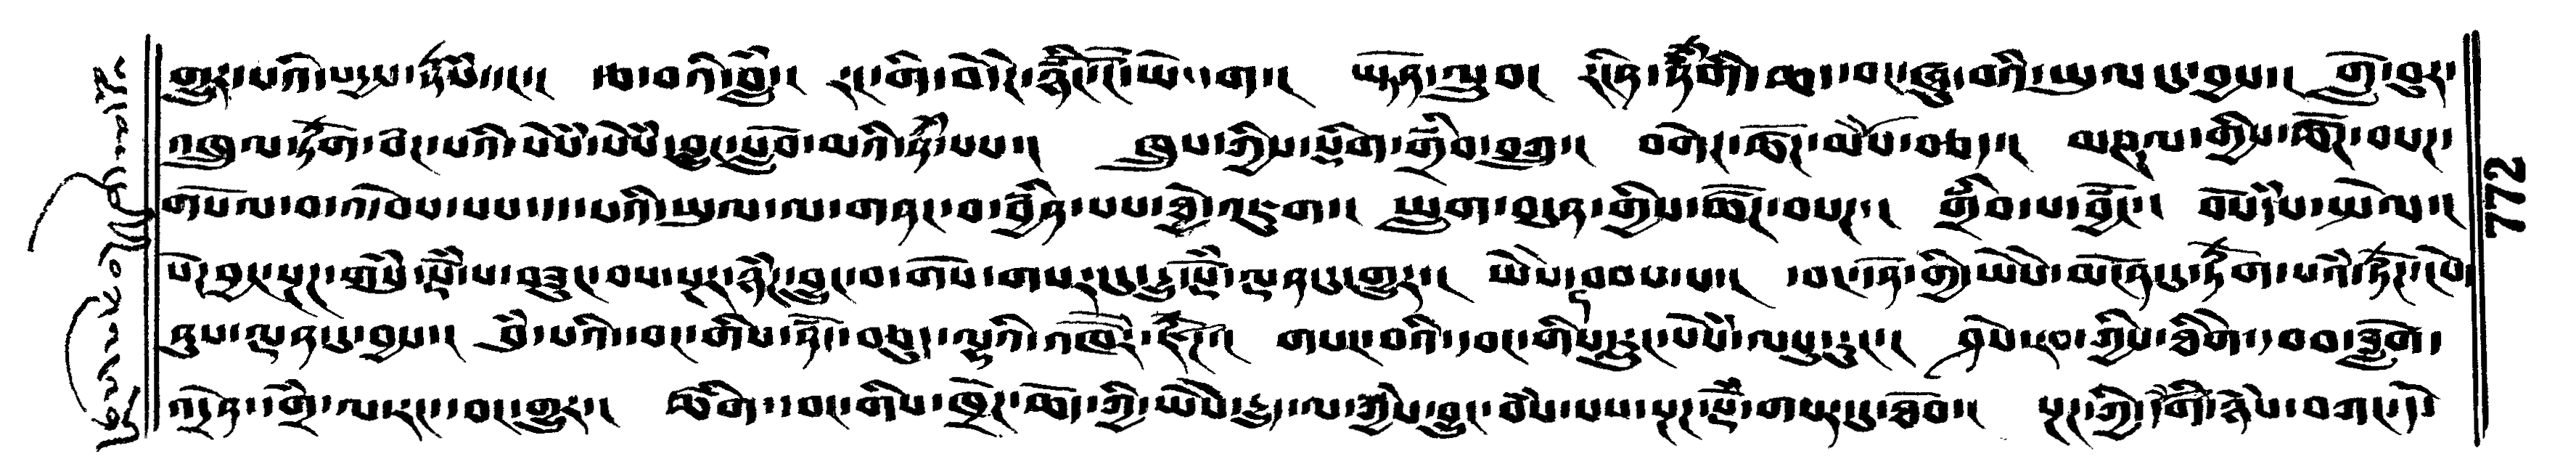གྱུར་པའི་སངས་རྒྱས་རྣམས་དང་། རྩ་བའི་བླ་མ། རང་གི་བདེ་གཤེགས་སྙིང་པོ་ངོ་བོ་ཡེ་དག ཡོན་ཏན་ལྷུན་གྲུབ། རང་བཞིན་རྣམ་དག་གི་ཆ་དབང་ཞུ་བའི་ཡུལ་དུ་བྱས། གློ་བུར་
འཁྲུལ་རྟོག་གིས་སྦགས་པའི་སེམས་སེམས་བྱུང་སློབ་མའི་རྣམ་པས། ཁྲུས་ཀྱིས་སྡིག་སྒྲིབ་བཀྲུ། བགེགས་ཚོགས་མཚམས་བཅད། མཎྜལ་གྱིས་ཚོགས་བསགས། 
གསོལ་བ་འདེབས་པས་དད་པའི་ཡུལ་ལ་གནང་བ་སྦྱིན་པས་ཐུགས་རྗེ་འཇུག ཡན་ལག་བདུན་གྱིས་ཚོགས་བསགས། སྒྲིབ་པ་སྦྱོང་། བསོད་ནམས་སྤེལ། 
སོ་བྱང་སྔགས་གསུམ་གྱི་སྡོམ་པ་བཟུང་བས་སྔར་ཉམ་ཆགས་བྱུང་བ་གསོ། གསར་དུ་རྒྱུད་སྡོམ་ལྡན་དུ་འགྱུར། ཡེ་ཤེས་དབབ་པ། དབང་དོན་གྱི་ཡེ་ཤེས་མངོན་དུ་རྟོགས་པའམ་རྟོགས་ངེས་
ནུས་ལྡན་དུ་བྱས། བུམ་པའི་དབང་གིས་སྣོད་བཅུད་ལྷའི་འཁོར་ལོར་རྫོགས། གསང་བའི་དབང་གིས་རླུང་སེམས་ལས་སུ་རུང་། ཤེས་རབ་ཀྱིས་ཐིག་ལེ་དབབ་ཟློག་
འདྲེན་དགྲམ་ལ་རང་དབང་གྱུར། ཚིག་དབང་གིས་ཁྲེགས་ཆོད་ཀྱི་ཡེ་ཤེས་རྒྱུད་ལ་སྐྱེས་བྱུང་བསམ་པས་སྔགས་སྡོམ་གསར་དུ་ཐོབ། སྔགས་ཀྱི་དམ་ཚིག་ཉམས་པ་བཀང་།